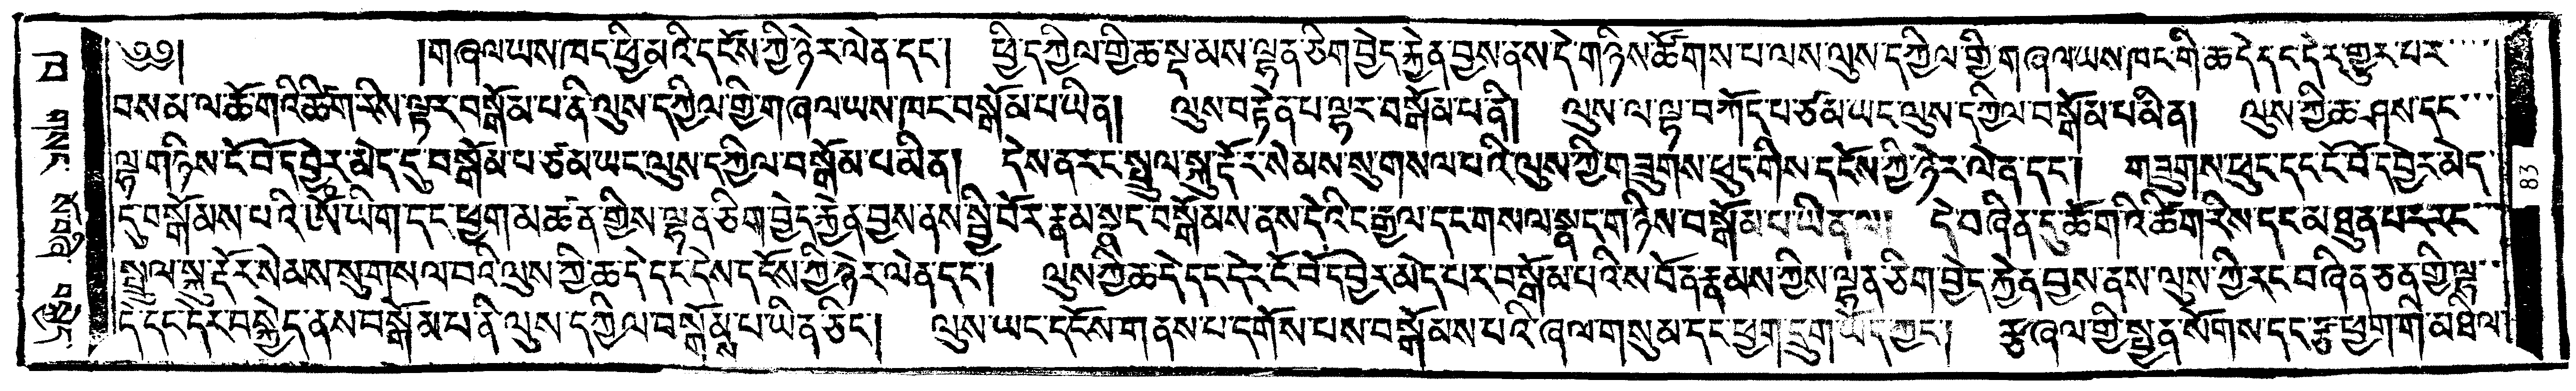༄༅། །གཞལ་ཡས་ཁང་ཕྱི་མའི་དངོས་ཀྱི་ཉེར་ལེན་དང་། ཕྱི་དཀྱིལ་གྱི་ཆ་སྔ་མས་ལྷན་ཅིག་བྱེད་རྐྱེན་བྱས་ནས་དེ་གཉིས་ཚོགས་པ་ལས་ལུས་དཀྱིལ་གྱི་གཞལ་ཡས་ཁང་གི་ཆ་དེ་དང་དེར་གྱུར་པར་
བསམ་ལ་ཆོ་གའི་ཚིག་རིས་ལྟར་བསྒོམ་པ་ནི་ལུས་དཀྱིལ་གྱི་གཞལ་ཡས་ཁང་བསྒོམ་པ་ནི། ལུས་བརྟེན་པ་ལྷར་བསྒོམ་པ་ནི། ལུས་ལ་ལྷ་བཀོད་པ་ཙམ་ཡང་ལུས་དཀྱིལ་བསྒོམ་པ་མིན། ལུས་ཀྱི་ཆ་ཤས་དང་
ལྷ་གཉིས་ངོ་བོ་དབྱེར་མེད་དུ་བསྒོམ་པ་ཙམ་ཡང་ལུས་དཀྱིལ་བསྒོམ་པ་མིན། དེས་ན་རང་སྤྲུལ་སྐུ་རྡོར་སེམས་སུ་གསལ་པའི་ལུས་ཀྱི་གཟུགས་ཕུང་གིས་དངོས་ཀྱི་ཉེར་ལེན་དང་། གཟུགས་ཕུང་དང་ངོ་བོ་དབྱེར་མེད་
དུ་བསྒོམས་པའི་ཨོཾ་ཡིག་དང་ཕྱག་མཚན་གྱིས་ལྷན་ཅིག་བྱེད་རྐྱེན་བྱས་ནས་སྤྱི་བོར་རྣམ་སྣང་བསྒོམས་ནས་དེའི་ང་རྒྱལ་དང་གསལ་སྣང་གཉིས་བསྒོམ་པ་ཡིན་ལ། དེ་བཞིན་དུ་ཆོ་གའི་ཚིག་རིས་དང་མཐུན་པར་རང་
སྤྲུལ་སྐུ་རྡོར་སེམས་སུ་གསལ་བའི་ལུས་ཀྱི་ཆ་དེ་དང་དེས་དངོས་ཀྱི་ཉེར་ལེན་དང་། ལུས་ཀྱི་ཆ་དེ་དང་དེར་ངོ་བོ་དབྱེར་མེད་པར་བསྒོམ་པའི་ས་བོན་རྣམས་ཀྱིས་ལྷན་ཅིག་བྱེད་རྐྱེན་བྱས་ནས་ལུས་ཀྱི་རང་བཞིན་ཅན་གྱི་ལྷ་
དེ་དང་དེར་བསྐྱེད་ནས་བསྒོམ་པ་ནི་ལུས་དཀྱིལ་བསྒོམས་པ་ཡིན་ཅིང་། ལུས་ཡང་དངོས་གནས་པ་དགོས་པས་བསྒོམས་པའི་ཞལ་གསུམ་དང་ཕྱག་དྲུག་ཡོད་ཀྱང་། རྩ་ཞལ་གྱི་སྤྱན་སོགས་དང་རྩ་ཕྱག་གི་མཐིལ་